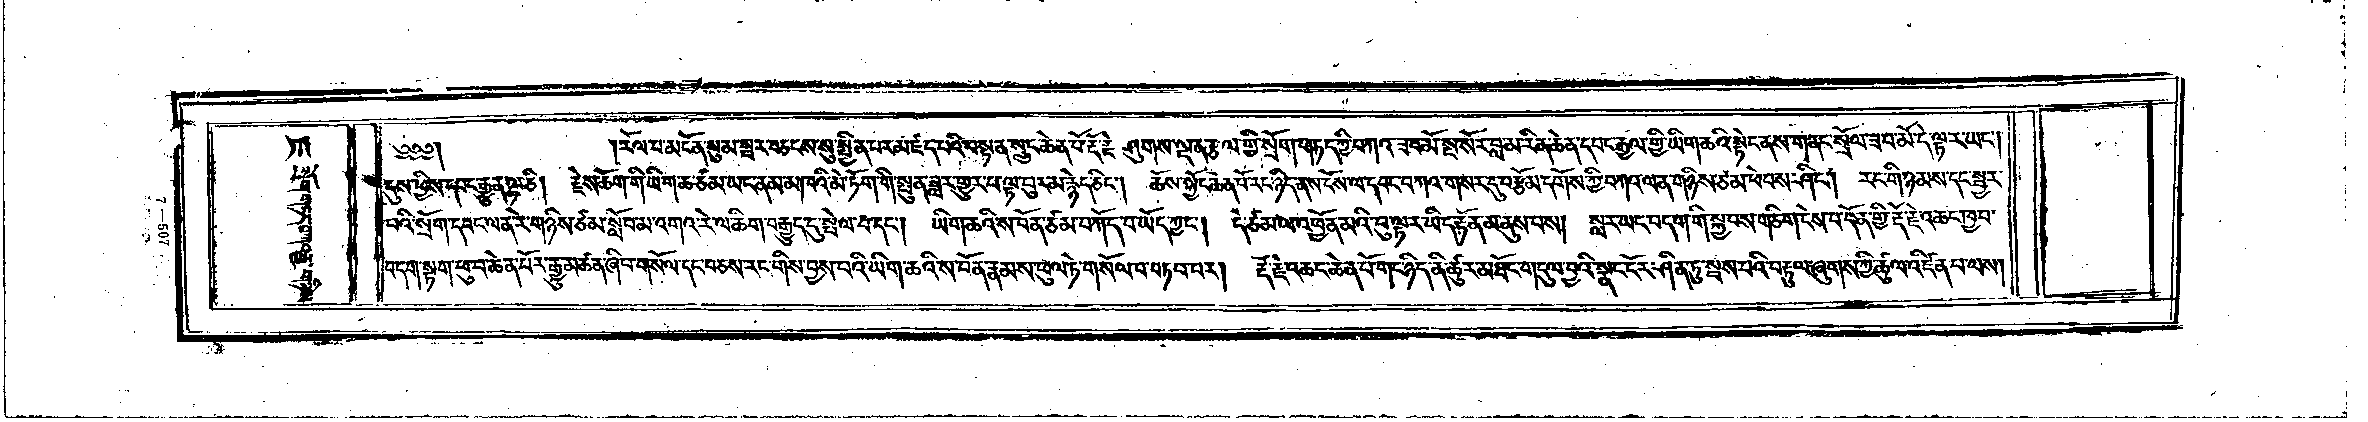༄༅༅། །རོལ་པ་མངོན་སུམ་སྦར་བཅངས་སུ་སྦྱིན་པར་མཛད་པའི་བསྟན་སྲུང་ཆེན་པོ་རྡོ་རྗེ་ཤུགས་ལྡན་རྩལ་གྱི་སྲོག་གཏད་ཀྱི་བཀའ་ཟབ་མོ་སྔ་སོར་བླ་མ་རིན་ཆེན་དབང་རྒྱལ་གྱི་ཡིག་ཆའི་སྟེང་ནས་གནང་སྲོལ་ཟབ་མོ་དེ་ལྟར་ཡང་།
དུས་ཕྱིས་དབང་རྒྱུན་ལྟ་ཅི། རྗེས་ཆོག་གི་ཡིག་ཆ་ཙམ་ཡང་ནམ་མཁའི་མེ་ཏོག་གི་སྤུན་ཟླར་གྱུར་པ་ལྟ་བུར་མ་རྙེད་ཅིང་། ཆོས་སྐྱོང་ཆེན་པོ་རང་ཉིད་ནས་ངོས་ལ་དབང་བཀའ་གསར་དུ་བརྩོམ་དགོས་ཀྱི་བཀའ་ལན་གཉིས་ཙམ་ཕེབས་ཤིང་། རང་གི་ཉམས་དང་སྦྱར་
བའི་སྲོག་དབང་ལན་རེ་གཉིས་ཙམ་སློབ་མ་འགའ་རེ་ལ་ཆིག་བརྒྱུད་དུ་སྤེལ་བ་དང་། ཡིག་ཆའི་ས་བོན་ཙམ་བཀོད་པ་ཡོད་ཀྱང་། དེ་ཙམ་ལ་འཕྱོན་མའི་བུ་ལྟར་ཡིད་རྟོན་མ་ནུས་པས། སླར་ཡང་བདག་གི་སྐྱབས་གཅིག་ངེས་པ་དོན་གྱི་རྡོ་རྗེ་འཆང་ཁྱབ་
བདག་སྟག་ཕུ་བ་ཆེན་པོར་རྒྱུ་མཚན་ཞིབ་གསོལ་དང་བཅས་རང་གིས་བྱས་པའི་ཡིག་ཆའི་ས་བོན་རྣམས་ཕུལ་ཏེ་གསོལ་བ་བཏབ་པར། རྡོ་རྗེ་འཆང་ཆེན་པོ་གང་ཉིད་ནི་ཚུར་མཐོང་གདུལ་བྱའི་སྣང་ངོར་ཤིན་ཏུ་སྦས་པའི་བརྟུལ་ཞུགས་ཀྱི་ཚུལ་འཛིན་པ་ལས།